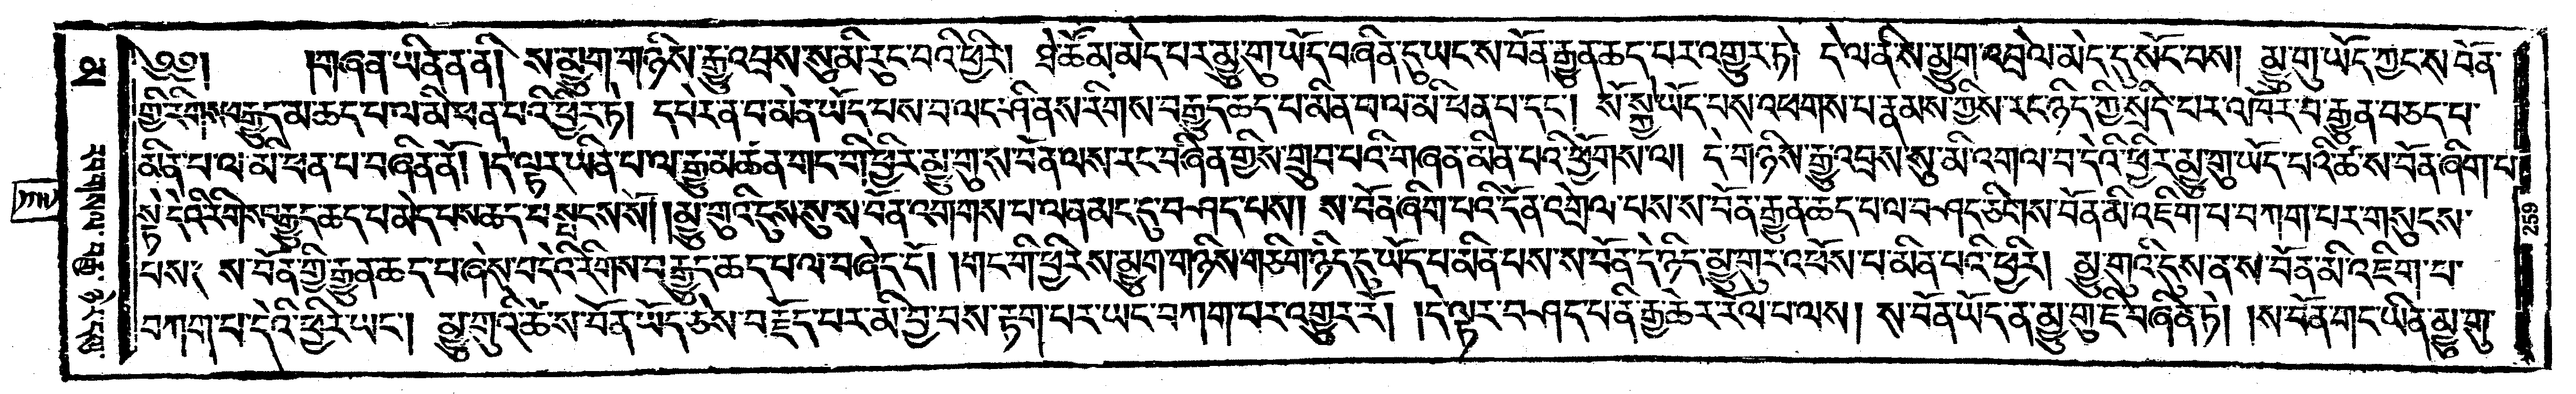༄༅། །གཞན་ཡིན་ན་ནི། ས་མྱུག་གཉིས་རྒྱུ་འབྲས་སུ་མི་རུང་བའི་ཕྱིར། ཐེ་ཚོམ་མེད་པར་མྱུ་གུ་ཡོད་བཞིན་དུ་ཡང་ས་བོན་རྒྱུན་ཆད་པར་འགྱུར་ཏེ། དེ་ལ་ནི་ས་མྱུག་འབྲེལ་མེད་དུ་སོང་ནས། མྱུ་གུ་ཡོད་ཀྱང་ས་བོན་
གྱི་རིགས་བརྒྱུད་མ་ཆད་པ་ལ་མི་ཕན་པའི་ཕྱིར་ཏེ། དཔེར་ན་བ་མེན་ཡོད་པས་བ་ལང་ཤི་ནས་རིགས་བརྒྱུད་ཆད་པ་མིན་པ་ལ་མི་ཕན་པ་དང་། སོ་སྐྱེ་ཡོད་པས་འཕགས་པ་རྣམས་ཀྱིས་རང་ཉིད་ཀྱི་སྲིད་པར་འཁོར་བ་རྒྱུན་བཅད་པ་
མིན་པ་ལ་མི་ཕན་པ་བཞིན་ནོ། །དེ་ལྟར་ཡིན་པ་ལ་རྒྱུ་མཚན་གང་གི་ཕྱིར་མྱུ་གུ་ས་བོན་ལས་རང་བཞིན་གྱིས་གྲུབ་པའི་གཞན་མིན་པའི་ཕྱོགས་ལ། དེ་གཉིས་རྒྱུ་འབྲས་སུ་མི་འགལ་བ་དེའི་ཕྱིར་མྱུ་གུ་ཡོད་པའི་ཚེ་ས་བོན་ཞིག་པ་
སྟེ་དེའི་རིགས་བརྒྱུད་ཆད་པ་མེད་པས་ཆད་པ་སྤངས་སོ། །མྱུ་གུའི་དུས་སུ་ས་བོན་འགགས་པ་ལན་མང་དུ་བཤད་པས། ས་བོན་ཞིག་པའི་དོན་འགྲེལ་བས་ས་བོན་རྒྱུན་ཆད་པ་ལ་བཤད་ཅིང་། ས་བོན་མི་འཇིག་པ་བཀག་པར་གསུངས་
པས༑ ས་བོན་གྱི་རྒྱུན་ཆད་པ་ཞེས་པ་དེའི་རིགས་བརྒྱུད་ཆད་པ་ལ་བཞེད་དོ། །གང་གི་ཕྱིར་ས་མྱུག་གཉིས་གཅིག་ཉིད་དུ་ཡོད་པ་མིན་པས་ས་བོན་དེ་ཉིད་མྱུ་གུར་འཕོས་པ་མིན་པའི་ཕྱིར། མྱུ་གུའི་དུས་ན་ས་བོན་མི་འཇིག་པ་
བཀག་པ་དེའི་ཕྱིར་ཡང་། མྱུ་གུའི་ཚེ་ས་བོན་ཡོད་ཅེས་བརྗོད་པར་མི་བྱ་བས་རྟག་པར་ཡང་བཀག་པར་འགྱུར་རོ། །དེ་ལྟར་བཤད་པ་ནི་རྒྱ་ཆེར་རོལ་པ་ལས། ས་བོན་ཡོད་ན་མྱུ་གུ་ཇི་བཞིན་ཏེ། །ས་བོན་གང་ཡིན་མྱུ་གུ་